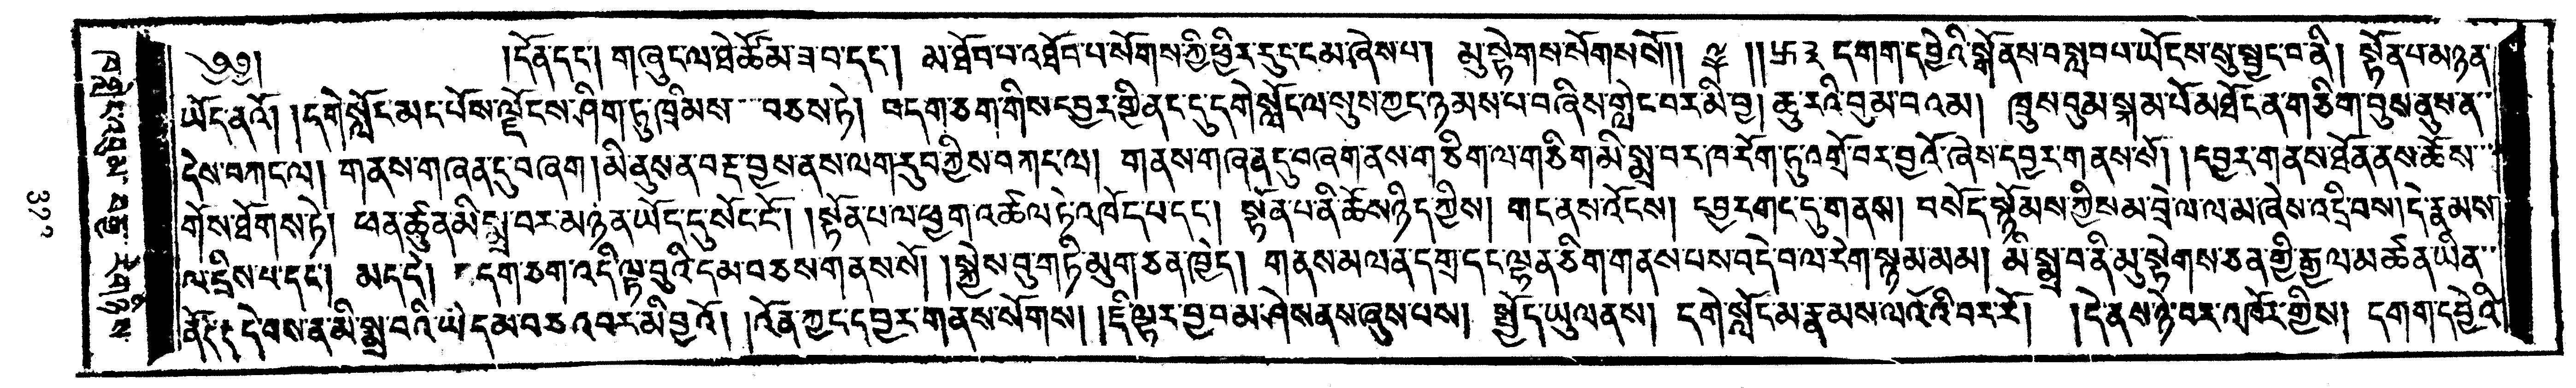༄༅། །དོན་དང་། གཞུང་ལ་ཐེ་ཚོམ་ཟ་བ་དང་། མ་ཐོབ་པ་འཐོབ་པ་སོགས་ཀྱི་ཕྱིར་རུང་ངམ་ཞེས་པ། མུ་སྟེགས་སོགས་སོ།། ༈ །།?  ༣་དགག་དབྱེའི་སྒོ་ནས་བསླབ་པ་ཡོངས་སུ་སྦྱང་བ་ནི། སྟོན་པ་མཉན་
ཡོད་ནའོ། །དགེ་སློང་མང་པོས་ལྗོངས་ཤིག་ཏུ་ཁྲིམས་བཅས་ཏེ། བདག་ཅག་གིས་དབྱར་གྱི་ནང་དུ་དགེ་སློང་ལ་སུས་ཀྱང་ཉམས་པ་བཞིས་གླེང་བར་མི་བྱ། ཆུ་རའི་བུམ་བའམ། ཁྲུས་བུམ་སྐམ་པོ་མཐོང་ན་གཅིག་བུས་ནུས་ན་
དེས་བཀང་ལ། གནས་གཞན་དུ་བཞག །མི་ནུས་ན་བརྡ་བྱས་ནས་ལག་རུབ་ཀྱིས་བཀང་ལ། གནས་གཞན་དུ་བཞག་ནས་གཅིག་ལ་གཅིག་མི་སྨྲ་བར་ཁ་རོག་ཏུ་འགྲོ་བར་བྱའོ་ཞེས་དབྱར་གནས་སོ། །དབྱར་གནས་ཐོན་ནས་ཆོས་
གོས་ཐོགས་ཏེ། ཕན་ཚུན་མི་སྨྲ་བར་མཉན་ཡོད་དུ་སོང་ངོ། །སྟོན་པ་ལ་ཕྱག་འཚལ་ཏེ་འཁོད་པ་དང་། སྟོན་པ་ནི་ཆོས་ཉིད་ཀྱིས། གང་ནས་འོངས། དབྱར་གང་དུ་གནས། བསོད་སྙོམས་ཀྱིས་མ་བྲེལ་ལམ་ཞེས་འདྲི་བས། དེ་རྣམས་
ལ་དྲིས་པ་དང་། མད་དེ། བདག་ཅག་འདི་ལྟ་བུའི་དམ་བཅས་གནས་སོ། །སྐྱེས་བུ་གཏི་མུག་ཅན་ཁྱེད། གནས་མ་ལན་དགྲ་དང་ལྷན་ཅིག་གནས་པས་བདེ་བ་ལ་རེག་སྙམ་མམ། མི་སྨྲ་བ་ནི་མུ་སྟེགས་ཅན་གྱི་རྒྱལ་མཚན་ཡིན་
ནོ༑ ༑དེ་བས་ན་མི་སྨྲ་བའི་ཡི་དམ་བཅའ་བར་མི་བྱའོ། །འོན་ཀྱང་དབྱར་གནས་སོགས། །ཇི་ལྟར་བྱ་བ་མ་ཤེས་ནས་ཞུས་པས། སྤྱོད་ཡུལ་ནས། དགེ་སློང་མ་རྣམས་ལའོའི་བར་རོ། །དེ་ནས་ཉེ་བར་འཁོར་གྱིས། དགག་དབྱེའི་